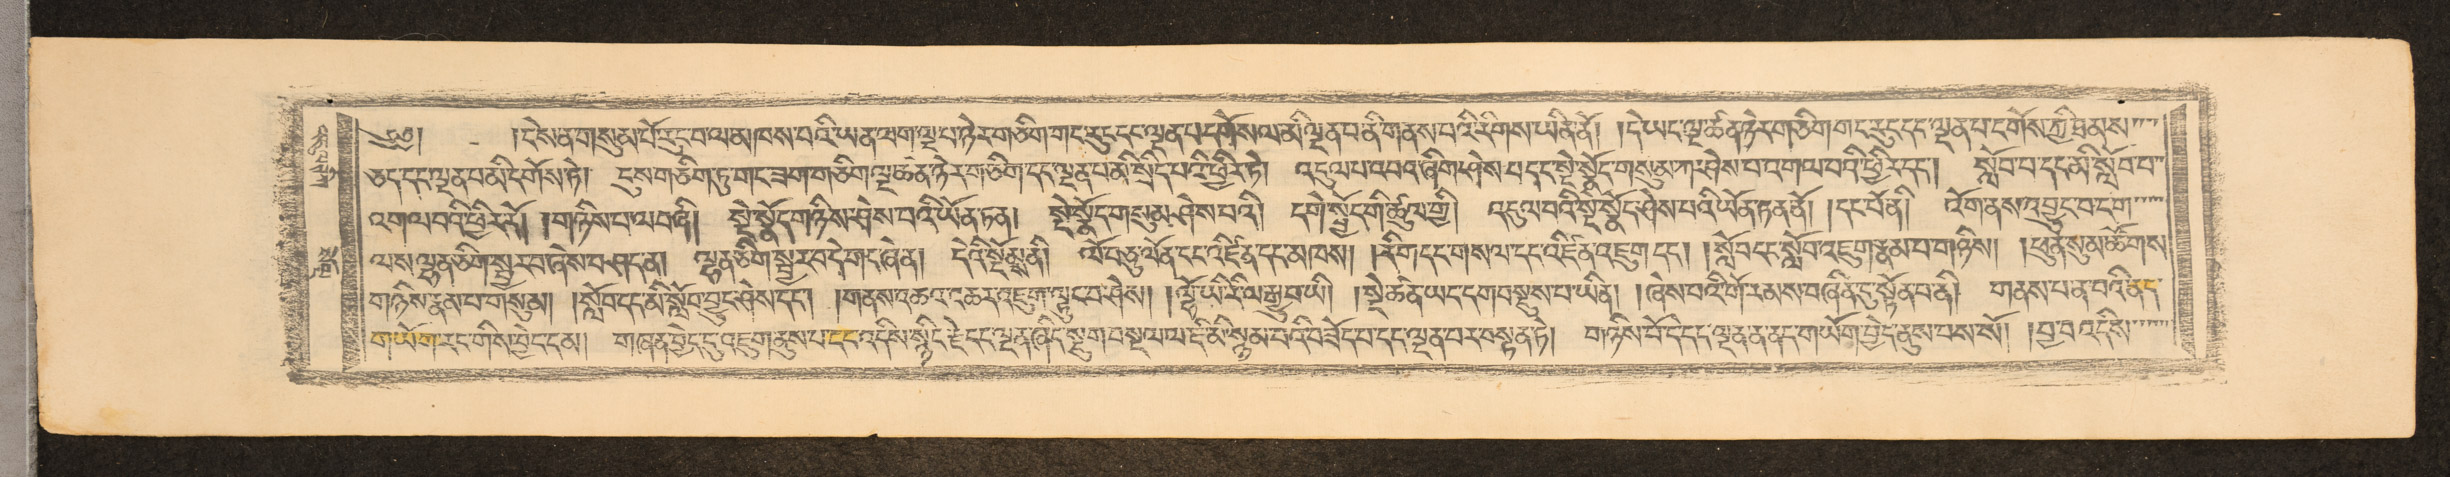༄༅། །དེས་ན་གསུམ་པོ་རུང་བ་ལ་མཁས་པའི་ཡན་ལག་ལྔ་པ་ཉེར་གཅིག་གང་རུང་དང་ལྡན་པ་དགོས་ལ་མི་ལྡན་པ་ནི་གནས་པའི་རིགས་ཡིན་ནོ། །དེ་ཡང་ལྔ་ཚན་ཉེར་གཅིག་གང་རུང་དང་ལྡན་པ་དགོས་ཀྱི་ཐམས་
ཅད་དང་ལྡན་པ་མི་དགོས་ཏེ། དུས་གཅིག་ཏུ་གང་ཟག་གཅིག་ལྔ་ཚན་ཉེར་གཅིག་དང་ལྡན་པ་མི་སྲིད་པའི་ཕྱིར་ཏེ། འདུལ་བ་འབའ་ཞིག་ཤེས་པ་དང་སྡེ་སྣོད་གསུམ་ཀ་ཤེས་པ་འགལ་བའི་ཕྱིར་དང་། སློབ་པ་དང་མི་སློབ་པ་
འགལ་བའི་ཕྱིར་རོ། །གཉིས་པ་ལ་བཞི། སྡེ་སྣོད་གཉིས་ཤེས་པའི་ཡོན་ཏན། སྡེ་སྣོད་གསུམ་ཤེས་པའི། དགེ་སྦྱོང་གི་ཚུལ་གྱི། འདུལ་བའི་སྡེ་སྣོད་ཤེས་པའི་ཡོན་ཏན་ནོ། །དང་པོ་ནི། འོག་ནས་འབྱུང་བ་དག་
ལས་ལྷན་ཅིག་སྦྱར་བ་ཞེས་བཤད་ན། ལྷན་ཅིག་སྦྱར་བ་དེ་གང་ཞེ་ན། དེའི་སྡོམས་ནི། ལོ་བཅུ་ལོན་དང་འཛིན་དང་མཁས། །རིག་དང་གསལ་དང་འཛིན་འཇུག་དང་། །སློབ་དང་སློབ་འཇུག་རྣམ་པ་གཉིས། །ཕུན་སུམ་ཚོགས་
གཉིས་རྣམ་པ་གསུམ། །སློབ་དང་མི་སློབ་བྱུང་ཤེས་དང་། །གནས་འཆའ་འཆར་འཇུག་ལྟུང་བ་ཤེས། །ལྷོ་ཡི་རི་ལ་རྒྱུ་བ་ཡི། །སྡེ་ཚན་ཡང་དག་བསྡུས་པ་ཡིན། །ཞེས་པའི་གོ་རིམས་བཞིན་དུ་སྟོན་པ་ནི། གནས་པ་ན་བའི་ནད་
གཡོག་རང་གིས་བྱེད་དམ། གཞན་བྱེད་དུ་འཇུག་ནུས་པ་དང་འདིས་སྙིང་རྗེ་དང་ལྡན་ཞིང་སྡུག་བསྔལ་ལ་ཇི་མི་སྙམ་པའི་བཟོད་པ་དང་ལྡན་པར་བསྟན་ཏེ། གཉིས་པོ་དེ་དང་ལྡན་ན་ནད་གཡོག་བྱེད་ནུས་པས་སོ། །བྱ་བ་འདིས་